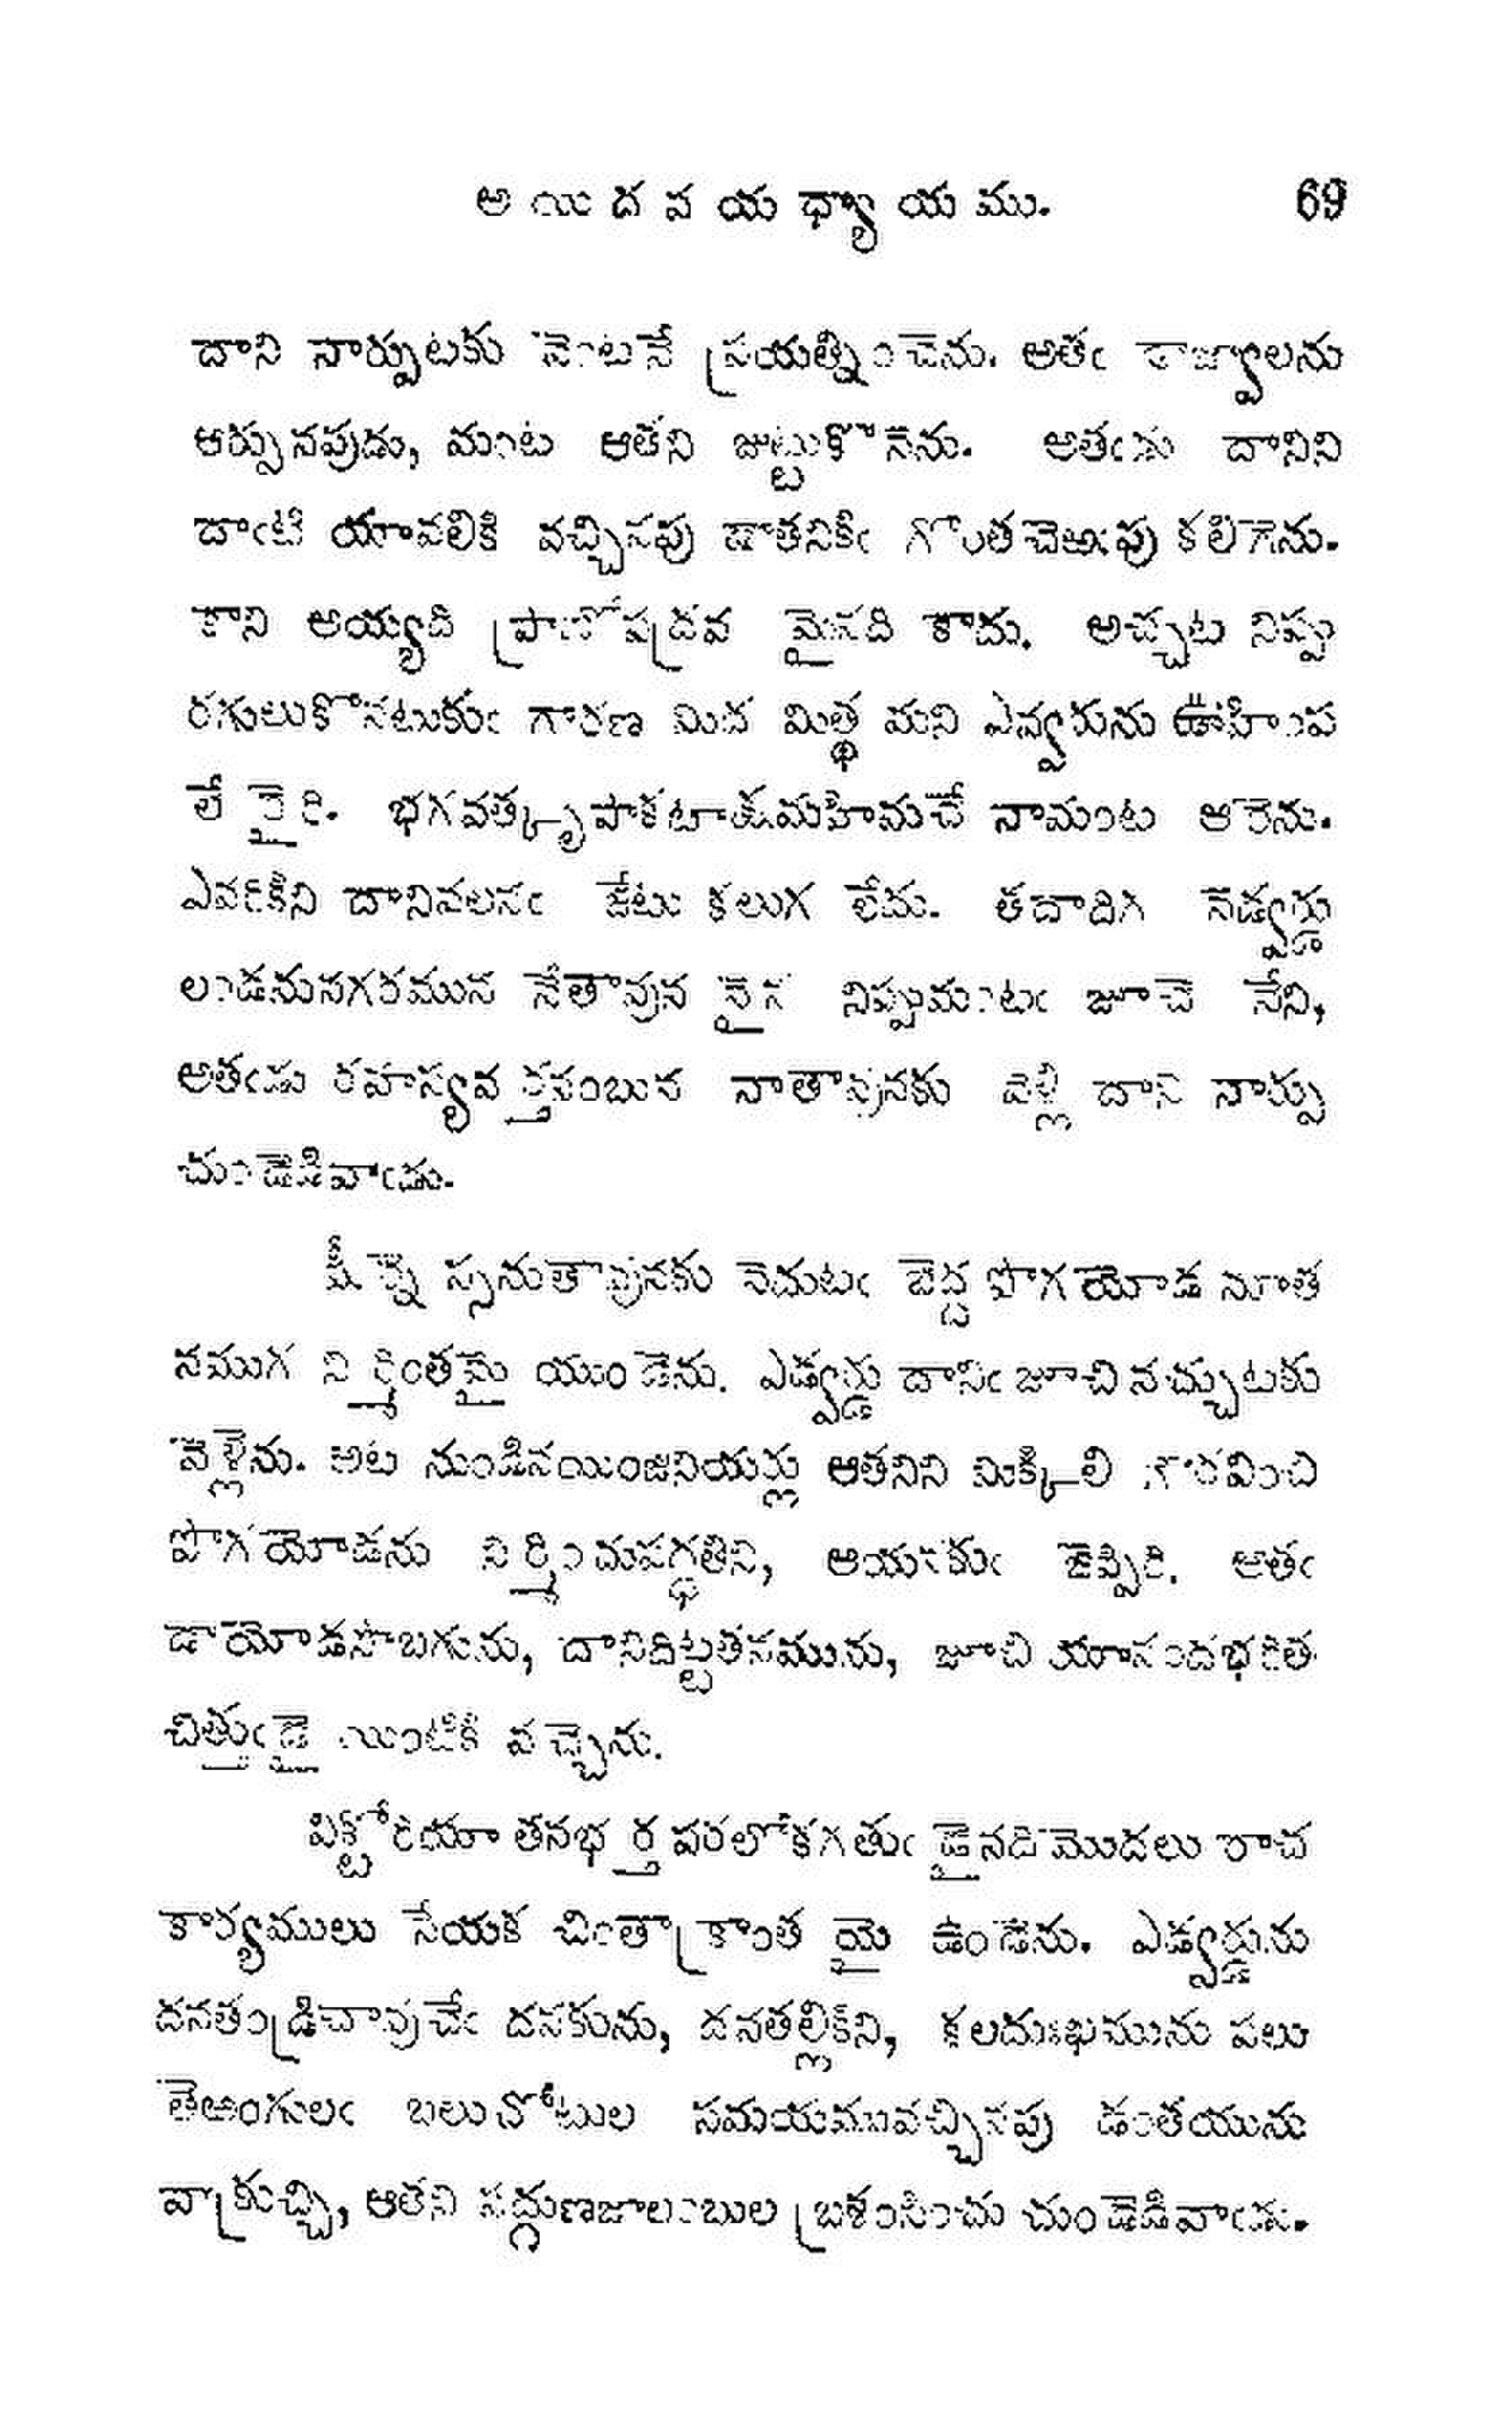దాని నార్పుటకు వెంటనే ప్రయత్నించెను. అతడా జ్వాలను అర్సు నపుడు, మంట అతని జుట్టుకొనెను.అతను దానిని దాటి యావలికి వచ్చినపు డాతనికిఁ గొంత చెఱుపు కలిగెను.
కాని ఆయ్యది ప్రాణాపద్రవ మైనది కాదు. అచ్చట నిప్పురగులు కొనుటకు: గారణము మిద మిత్త మని ఎవ్వరును ఊహిం పలే రైరి. భగవత్కృపాకటాక్ష మహిమచే నామంట ఆరెను.
ఎవరని దానివలనం జేటు కలుగ లేదు. తదాదిగ నెర్డ్వెర్డులండను నగరమున నాతావునకు నిప్పుమంటఁ జూచె నేని,అతఁడు రహస్యవర్తనంబున నాతావుకు వెళ్లి దాని నార్పు
చుండెవాఁడు.

షీర్నెప్సను తావునకు నెదుట బెద్ద పొగ యోగ సూతసముగ నిర్మింతమై యుండెను. ఎడ్వర్డు దానిఁ జూచివచ్చుటకు వెళ్లెను. ఆట నుండిన యింజునియర్లు అతనిని మిక్కిలి గౌరవించి
పొగయోడను నిర్మించు పద్దతిని, ఆయనకు జెప్పిరి. ఆతడాయోడ సొబగును, దానిదిట్ టతనమును, జూచి యూనందభరిత చిత్తుఁడై వచ్చెను.

విక్టోరియా తనభర్త పరలోక గతుఁ డైనది మొదలు రాచకార్యములు సేయక చింతాక్రాంతయై ఉండెను. ఎడ్వర్డును దనతండ్రి చావుచే దనకును, దనతల్లిని, కలదుఃఖమును పలు
తెఱంగులఁ బలుచోటుల సమయము వచ్చినపు డంతయును వాక్రుచ్చి, అతని సద్గుణ జాలంబుల బ్రశంసించు చుండెడివాఁడు.